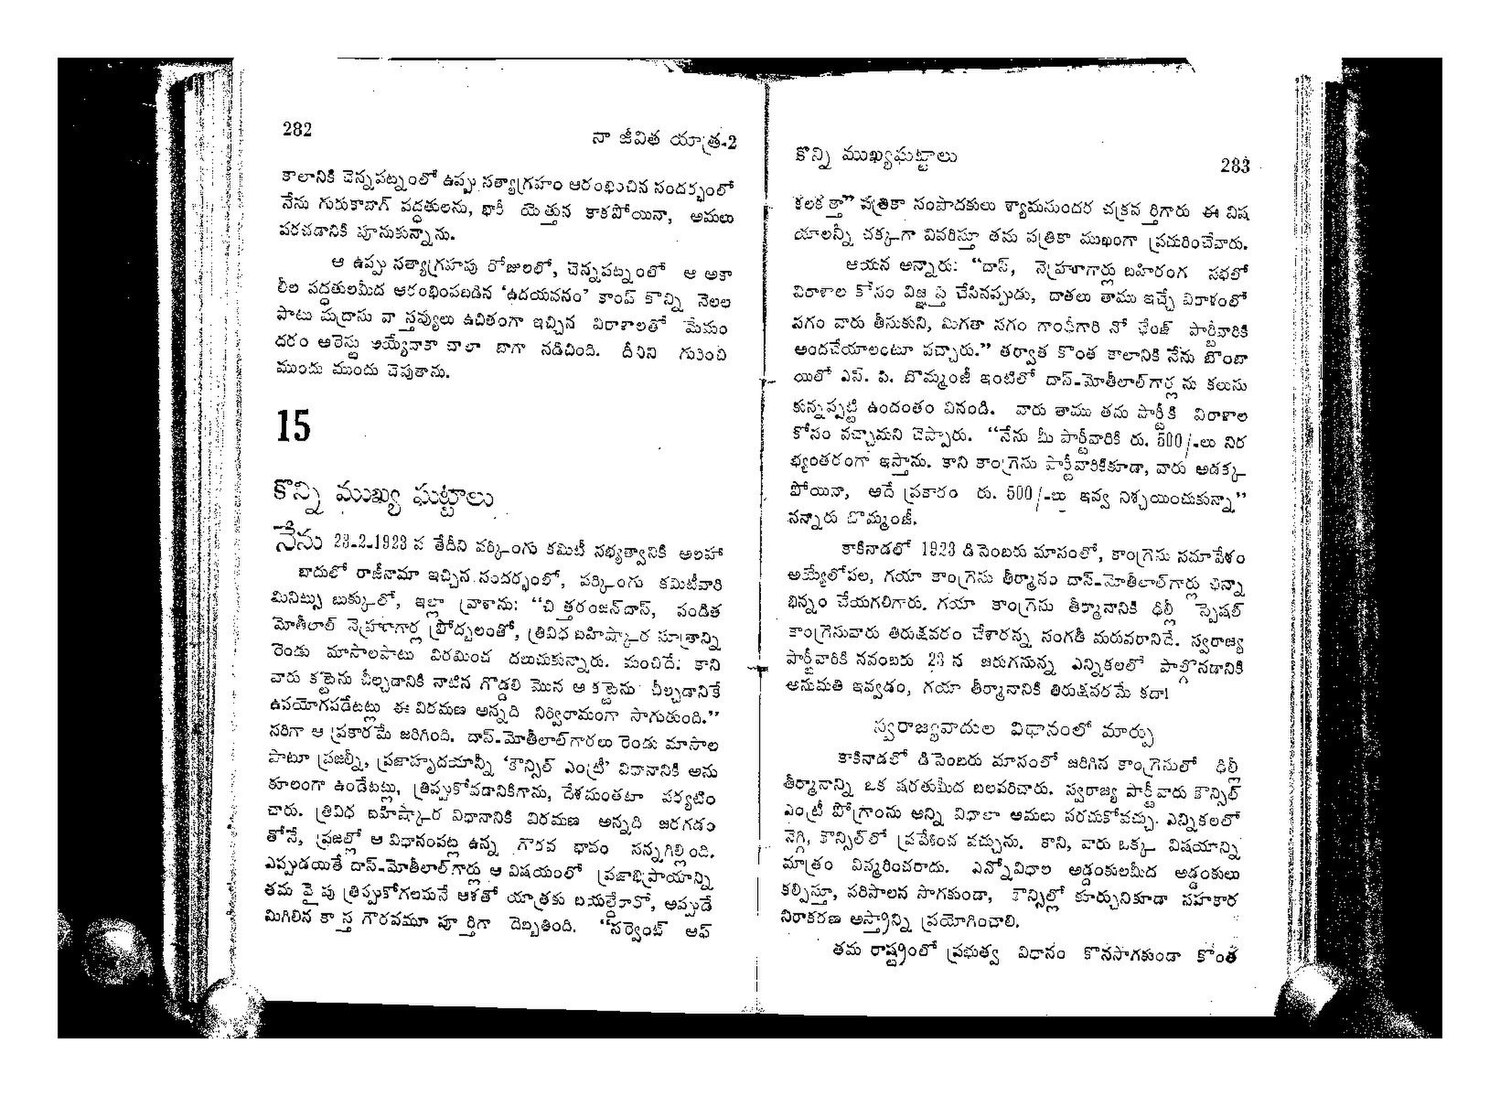కలకత్తా" పత్రికా సంపాదకులు శ్యామసుందర చక్రవర్తిగారు ఈ విషయాలన్నీ చక్కగా వివరిస్తూ తమ పత్రికా ముఖంగా ప్రచురించేవారు.

ఆయన అన్నారు. "దాస్, నెహ్రూగార్లు బహిరంగ సభలో విరాళాల కోసం విజ్ఞప్తి చేసినప్పుడు, దాతలు తాము ఇచ్చే విరాళంలో సగం వారు తీసుకుని, మిగతా సగం గాంధీగారి నో ఛేంజి పార్టీవారికి అందచేయాలంటూ వచ్చారు. తర్వాత కొంత కాలానికి నేను బొంబాయిలో ఎస్. పి. బొమ్మంజీ ఇంటిలో దాస్-మోతిలాల్‌గార్లను కలుసుకున్నప్పట్టి ఉదంతం వినండి. వారు తాము తమ పార్టీకి విరాళాలకోసం వచ్చామని చెప్పారు. "నేను మీపార్టీవారికి రు 500/-లు నిరభ్యంతరంగా ఇస్తాను. కాని కాంగ్రెసు పార్టీవారికికూడా, వారు అడక్కపోయినా, అదేప్రకారం రు 500/-లు ఇవ్వ నిశ్చయించుకున్నా" నన్నారు బొమ్మంజీ.

కాకినాడలో 1923 డిసెంబరు మాసంలో, కాంగ్రెసు సమావేశం అయ్యేలోపల, గయా కాంగ్రెసు తీర్మానం దాస్-మోతిలాల్‌గార్లు చిన్నాభిన్నం చేయగలిగారు. గయా కాంగ్రెసు తీర్మానానికి డిల్లీ స్పెషల్ కాంగ్రెసువారు తిరుక్షవరం చేశారన్న సంగతి మరువరానిదే. స్వరాజ్య పార్టీవారికి నవంబరు 23 న జరుగనున్న ఎన్నికలలో పాల్గొనడానికి అనుమతి ఇవ్వడం, గయా తీర్మానానికి తిరుక్షవరమే కదా!

కాకినాడలో డిసెంబరు మాసంలో జరిగిన కాంగ్రెసులో ఢిల్లీ తీర్మానాన్ని ఒక షరతుమీద బలపరిచారు. స్వరాజ్య పార్టీ వారు కౌన్సిల్ ఎంట్రీ పోగ్రాంను అన్ని విధాల అమలు పరచుకోవచ్చు. ఎన్నికలలో నెగ్గి, కౌన్సిల్‌లో ప్రవేశించ వచ్చును. కాని, వారు ఒక్క విషయాన్ని మాత్రం విస్మరించరాదు. ఎన్నోవిధాల అడ్డంకులమీద అడ్డంకులు కల్పిస్తూ పరిపాలన సాగకుండా, కౌన్సిల్లో కూర్చునికూడా సహకార నిరాకరణ అస్త్రాన్ని ప్రయోగించాలి.

తమ రాష్ట్రంలో ప్రభుత్వ విధానం కొనసాగకుండా కొంత